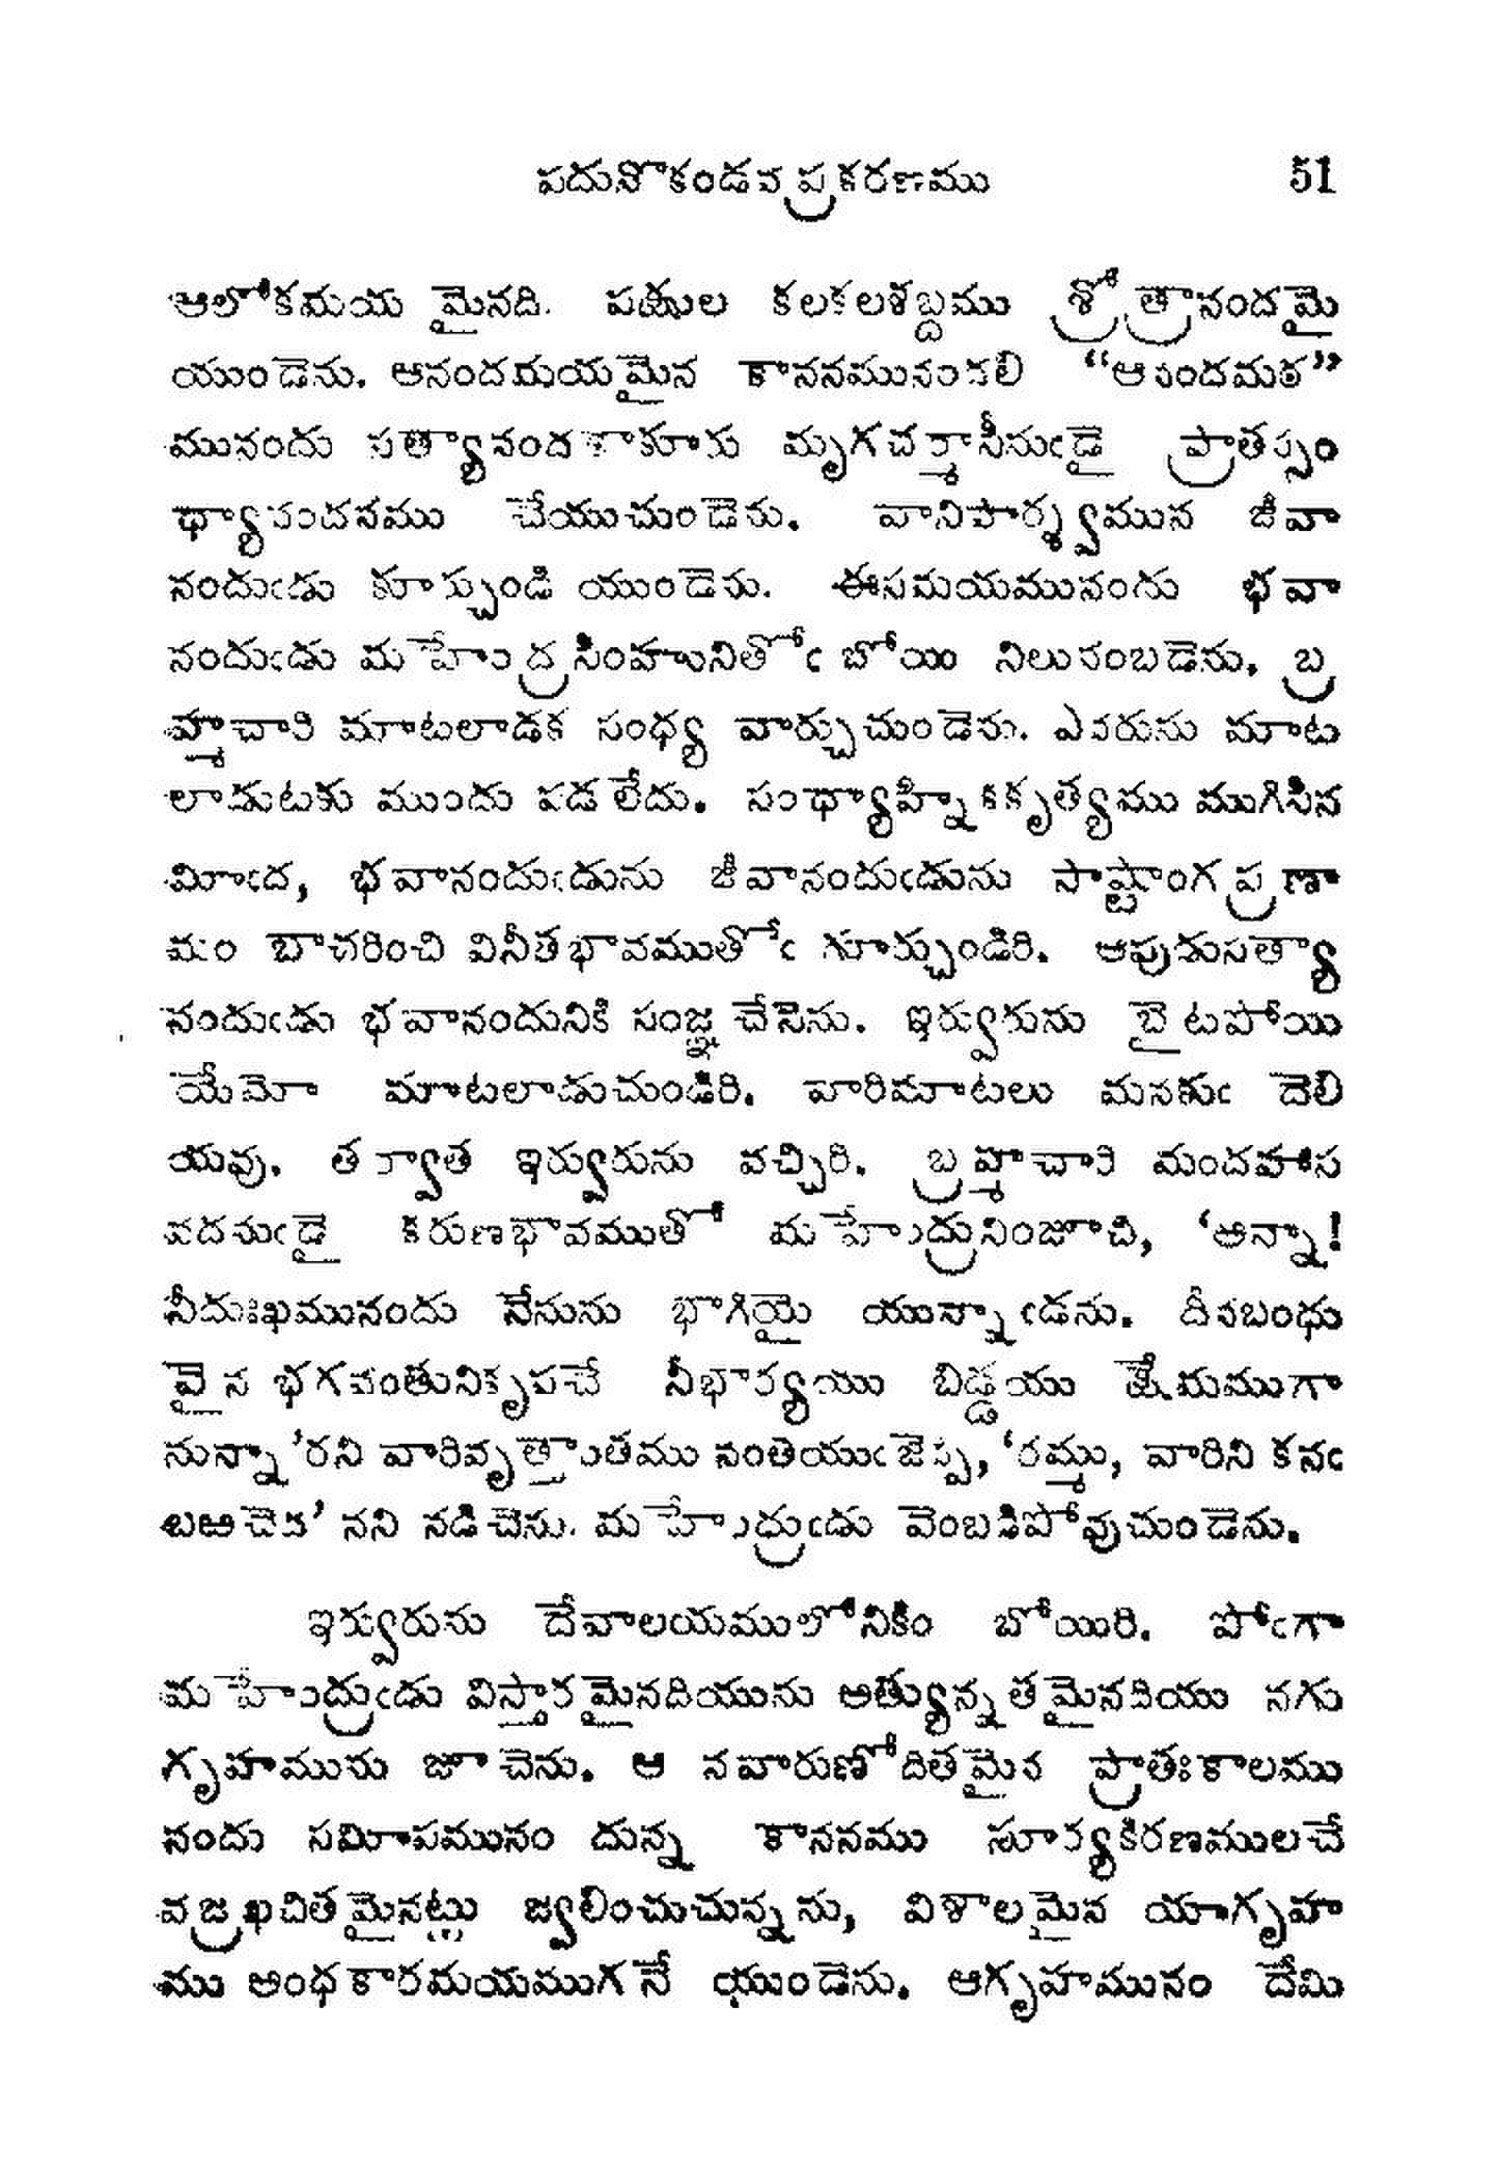ఆలోకమయ మైనది. పక్షుల కలకలశబ్దము శ్రోత్రానందమై యుండెను. ఆనందమయ మైన కాననమునందలి " ఆనందమఠ"మునందు సత్యానంద ఠాకూరు మృగచర్మా సీనుఁడై ప్రాతస్సంధ్యా వందనము చేయుచుండెను. వానిపొర్శ్వమున జీవానందుఁడు కూర్చుండి యుండెను. ఈసమయమునందు భవానందుడు మహేంద్రసింహునితోఁ బోయి నిలువంబడెను.బ్రహ్మచారి మాటలాడక సంధ్య వార్చుచుండెను.. ఎవరును మాటలాడుటకు ముందు పడలేదు. సంధ్యాహ్నికకృత్యము ముగిసిన మీద, భవానందుఁడును జీవానందుఁడును సాష్టాంగ ప్రణామం బాచరించి వినీత భావముతోఁ గూర్చుండిరి. అపుడు సత్యానందుఁడు భవానందునికి సంజ్ఞ చేసెను. ఇర్వురును బైటపోయి యేమో మాటలాడుచుండిరి. వారిమాటలు మనకుఁ దెలియవు, తర్వాత ఇర్వుకును వచ్చిరి. బ్రహచారి మందహాసవదనుఁడై కరుణ భావముతో మహేద్రునింజూచి, 'అన్నా! నీదుఃఖమునందు నేనును భాగియై యున్నాఁడను, దీనబంధువైన భగవంతునికృపచే నీ భార్యయు బిడ్డయు 'క్షేమముగా నున్నా 'రని వారివృత్తాంతము నంతయుఁ జెప్పి, రమ్ము, వారిని కనఁబఱ చెద' నని నడిచెను. మహేంద్రుఁడు వెంబడిపోవుచుండెను.

ఇర్వురును దేవాలయములోనికిం బోయిరి. పోఁగా మహేంద్రుఁడు విస్తారమైనదియును అత్యున్నతమైనదియు నగు గృహమును జూచెను. ఆ నవారుణోదితమైన ప్రాతఃకాలము నందు సమీపమునం దున్న కాననము సూర్యకిరణములచే వజ్రఖచిత మైనట్టు జ్వలించుచున్నను, విశాలమైన యాగృహము అంధ కారమయముగనే యుండెను. ఆగృహమునం దేమి